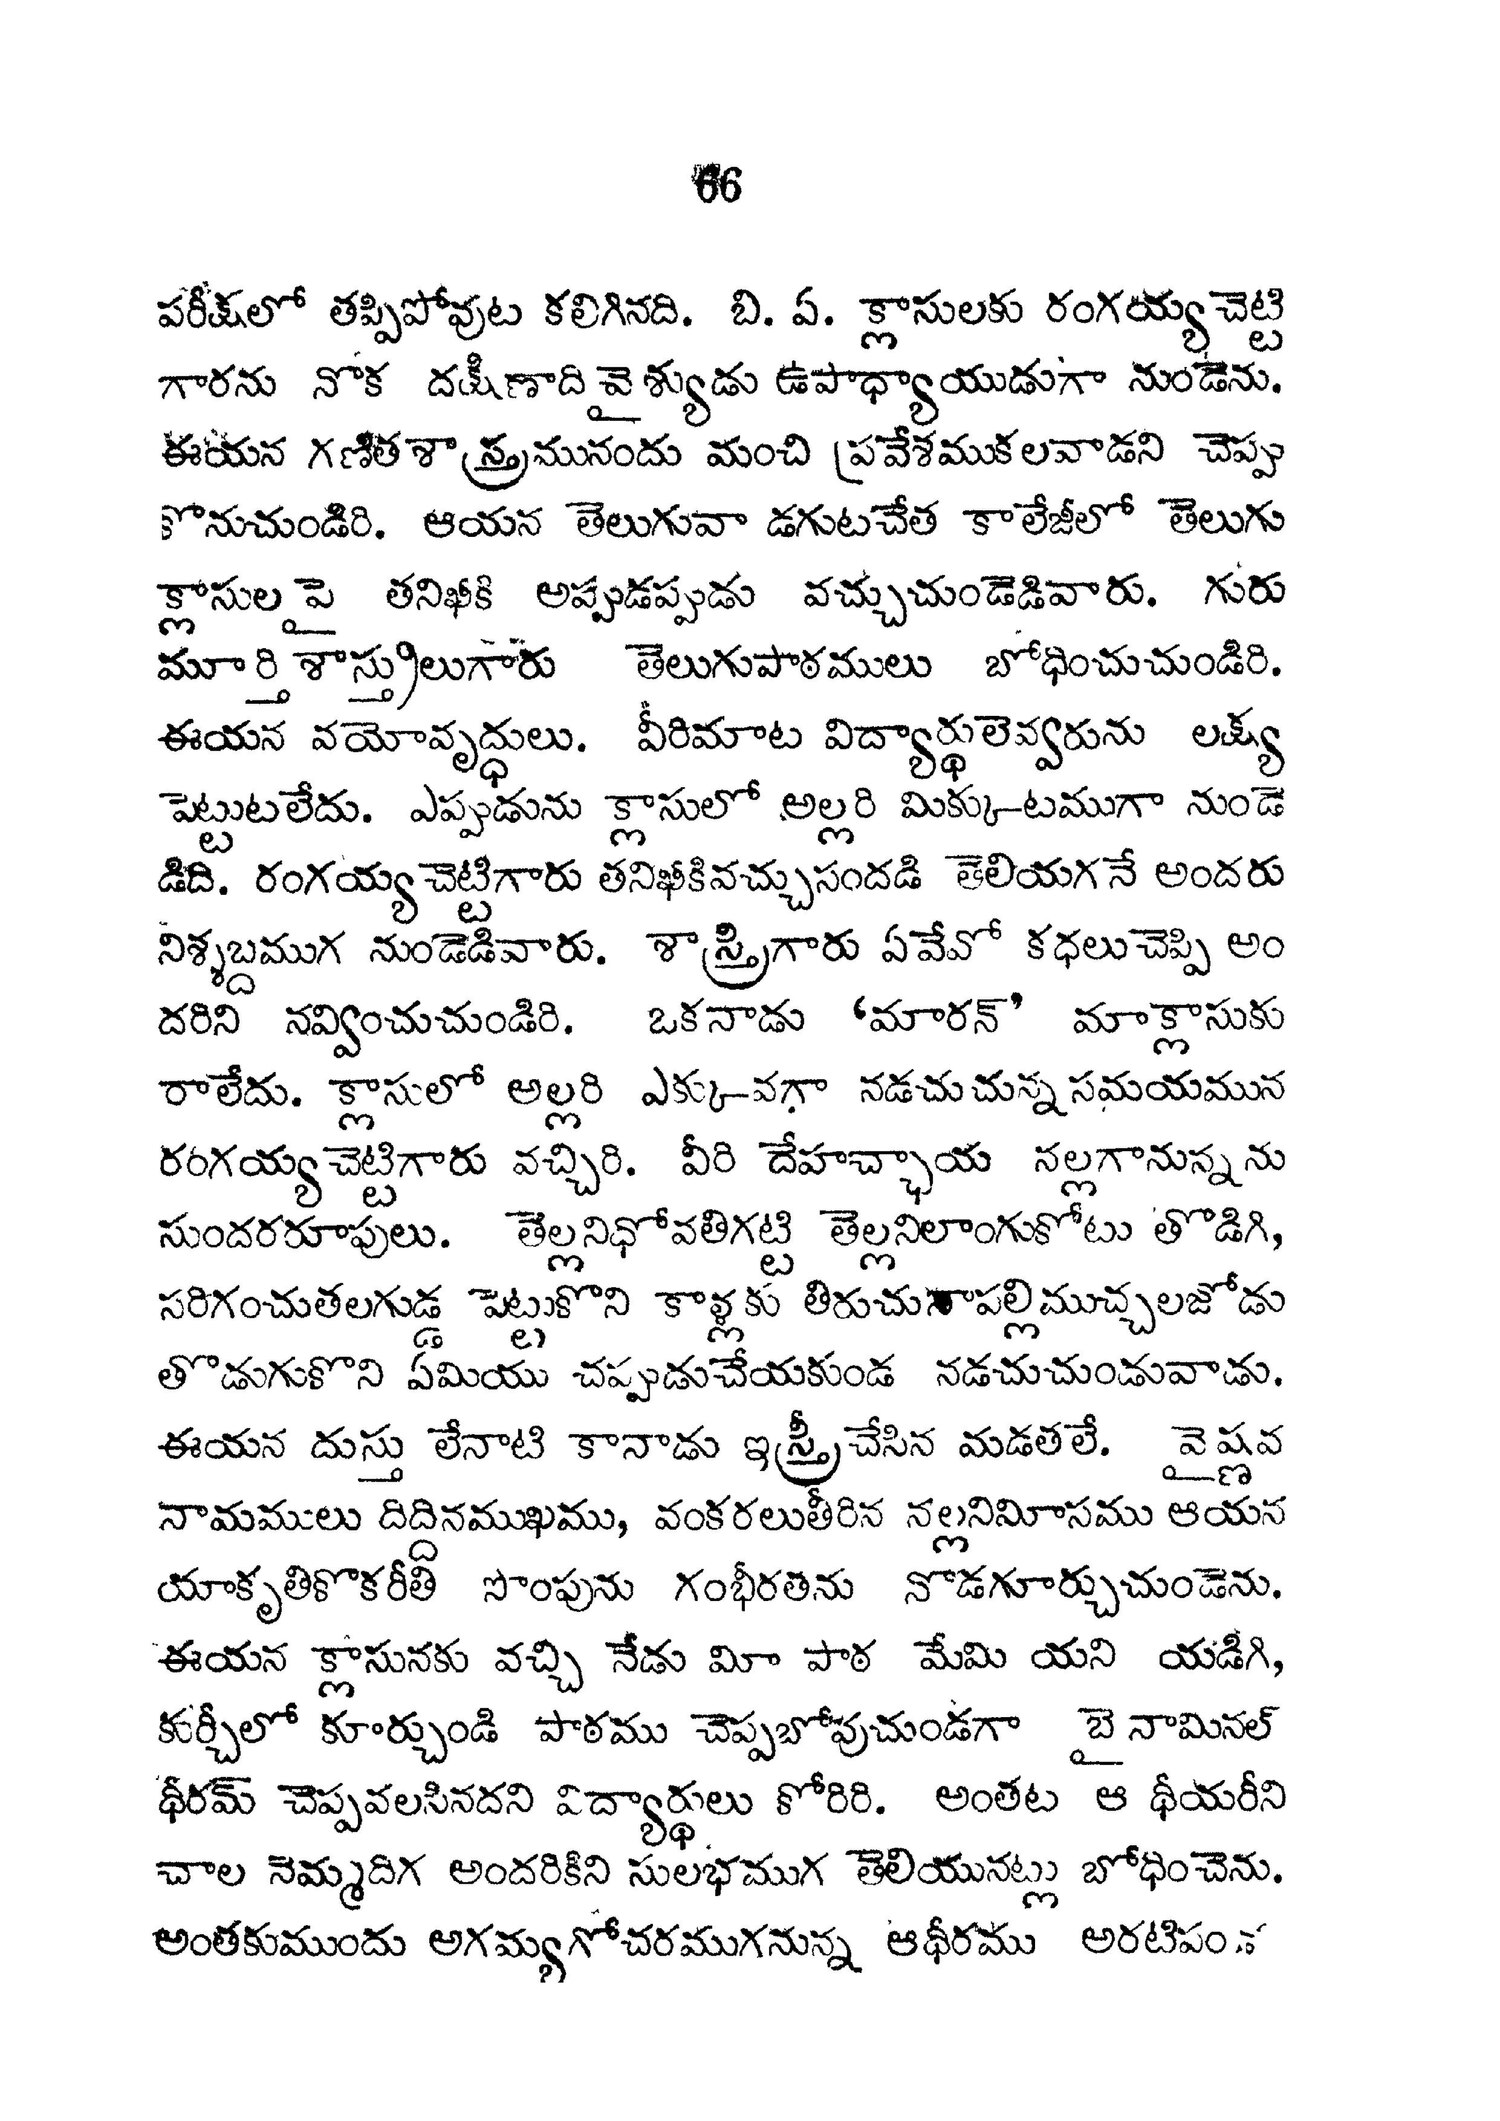పరీక్షలో తప్పిపోవుట కలిగినది. బి. ఏ. క్లాసులకు రంగయ్యచెట్టి గారను నొక దక్షిణాదివైశ్యుడు ఉపాధ్యాయుడుగా నుండెను. ఈయన గణితశాస్త్రమునందు మంచి ప్రవేశముకలవాడని చెప్పుకొనుచుండిరి. ఆయన తెలుగువా డగుటచేత కాలేజిలో తెలుగు క్లాసులపై తనిఖీకి అప్పుడప్పుడు వచ్చుచుండెడివారు. గురుమూర్తిశాస్త్రులుగారు తెలుగుపాఠములు బోధించుచుండిరి. ఈయన వయోవృద్ధులు. వీరిమాట విద్యార్థులెవ్వరును లక్ష్యపెట్టుటలేదు. ఎప్పుడును క్లాసులో అల్లరి మిక్కుటముగా నుండెడిది. రంగయ్యచెట్టిగారు తనిఖీకివచ్చుసందడి తెలియగనే అందరు నిశ్శబ్దముగ నుండెడివారు. శాస్త్రిగారు ఏవేవో కధలుచెప్పి అందరిని నవ్వించుచుండిరి. ఒకనాడు 'మారన్‌' మాక్లాసుకు రాలేదు. క్లాసులో అల్లరి ఎక్కువగా నడచుచున్నసమయమున రంగయ్యచెట్టిగారు వచ్చిరి. వీరి దేహచ్ఛాయ నల్లగానున్నను సుందరరూపులు. తెల్లనిధోవతిగట్టి తెల్లనిలాంగుకోటు తొడిగి, సరిగంచుతలగుడ్డ పెట్టుకొని కాళ్లకు తిరుచునాపల్లిముచ్చలజోడు తొడుగుకొని ఏమియు చప్పుడుచేయకుండ నడచుచుండువాడు. ఈయన దుస్తు లేనాటి కానాడు ఇస్త్రీచేసిన మడతలే. వైష్ణవ నామములు దిద్దినముఖము, వంకరలుతీరిన నల్లనిమీసము ఆయన యాకృతికొకరీతి సొంపును గంభీరతను నొడగూర్చుచుండెను. ఈయన క్లాసునకు వచ్చి నేడు మీ పాఠ మేమి యని యడిగి, కుర్చీలో కూర్చుండి పాఠము చెప్పబోవుచుండగా బైనామినల్ థీరం చెప్పవలసినదని విద్యార్థులు కోరిరి. అంతట ఆ థీయరీని చాల నెమ్మదిగ అందరికిని సులభముగ తెలియునట్లు బోధించెను. అంతకుముందు అగమ్యగోచరముగనున్న ఆథీరము అరటిపండు